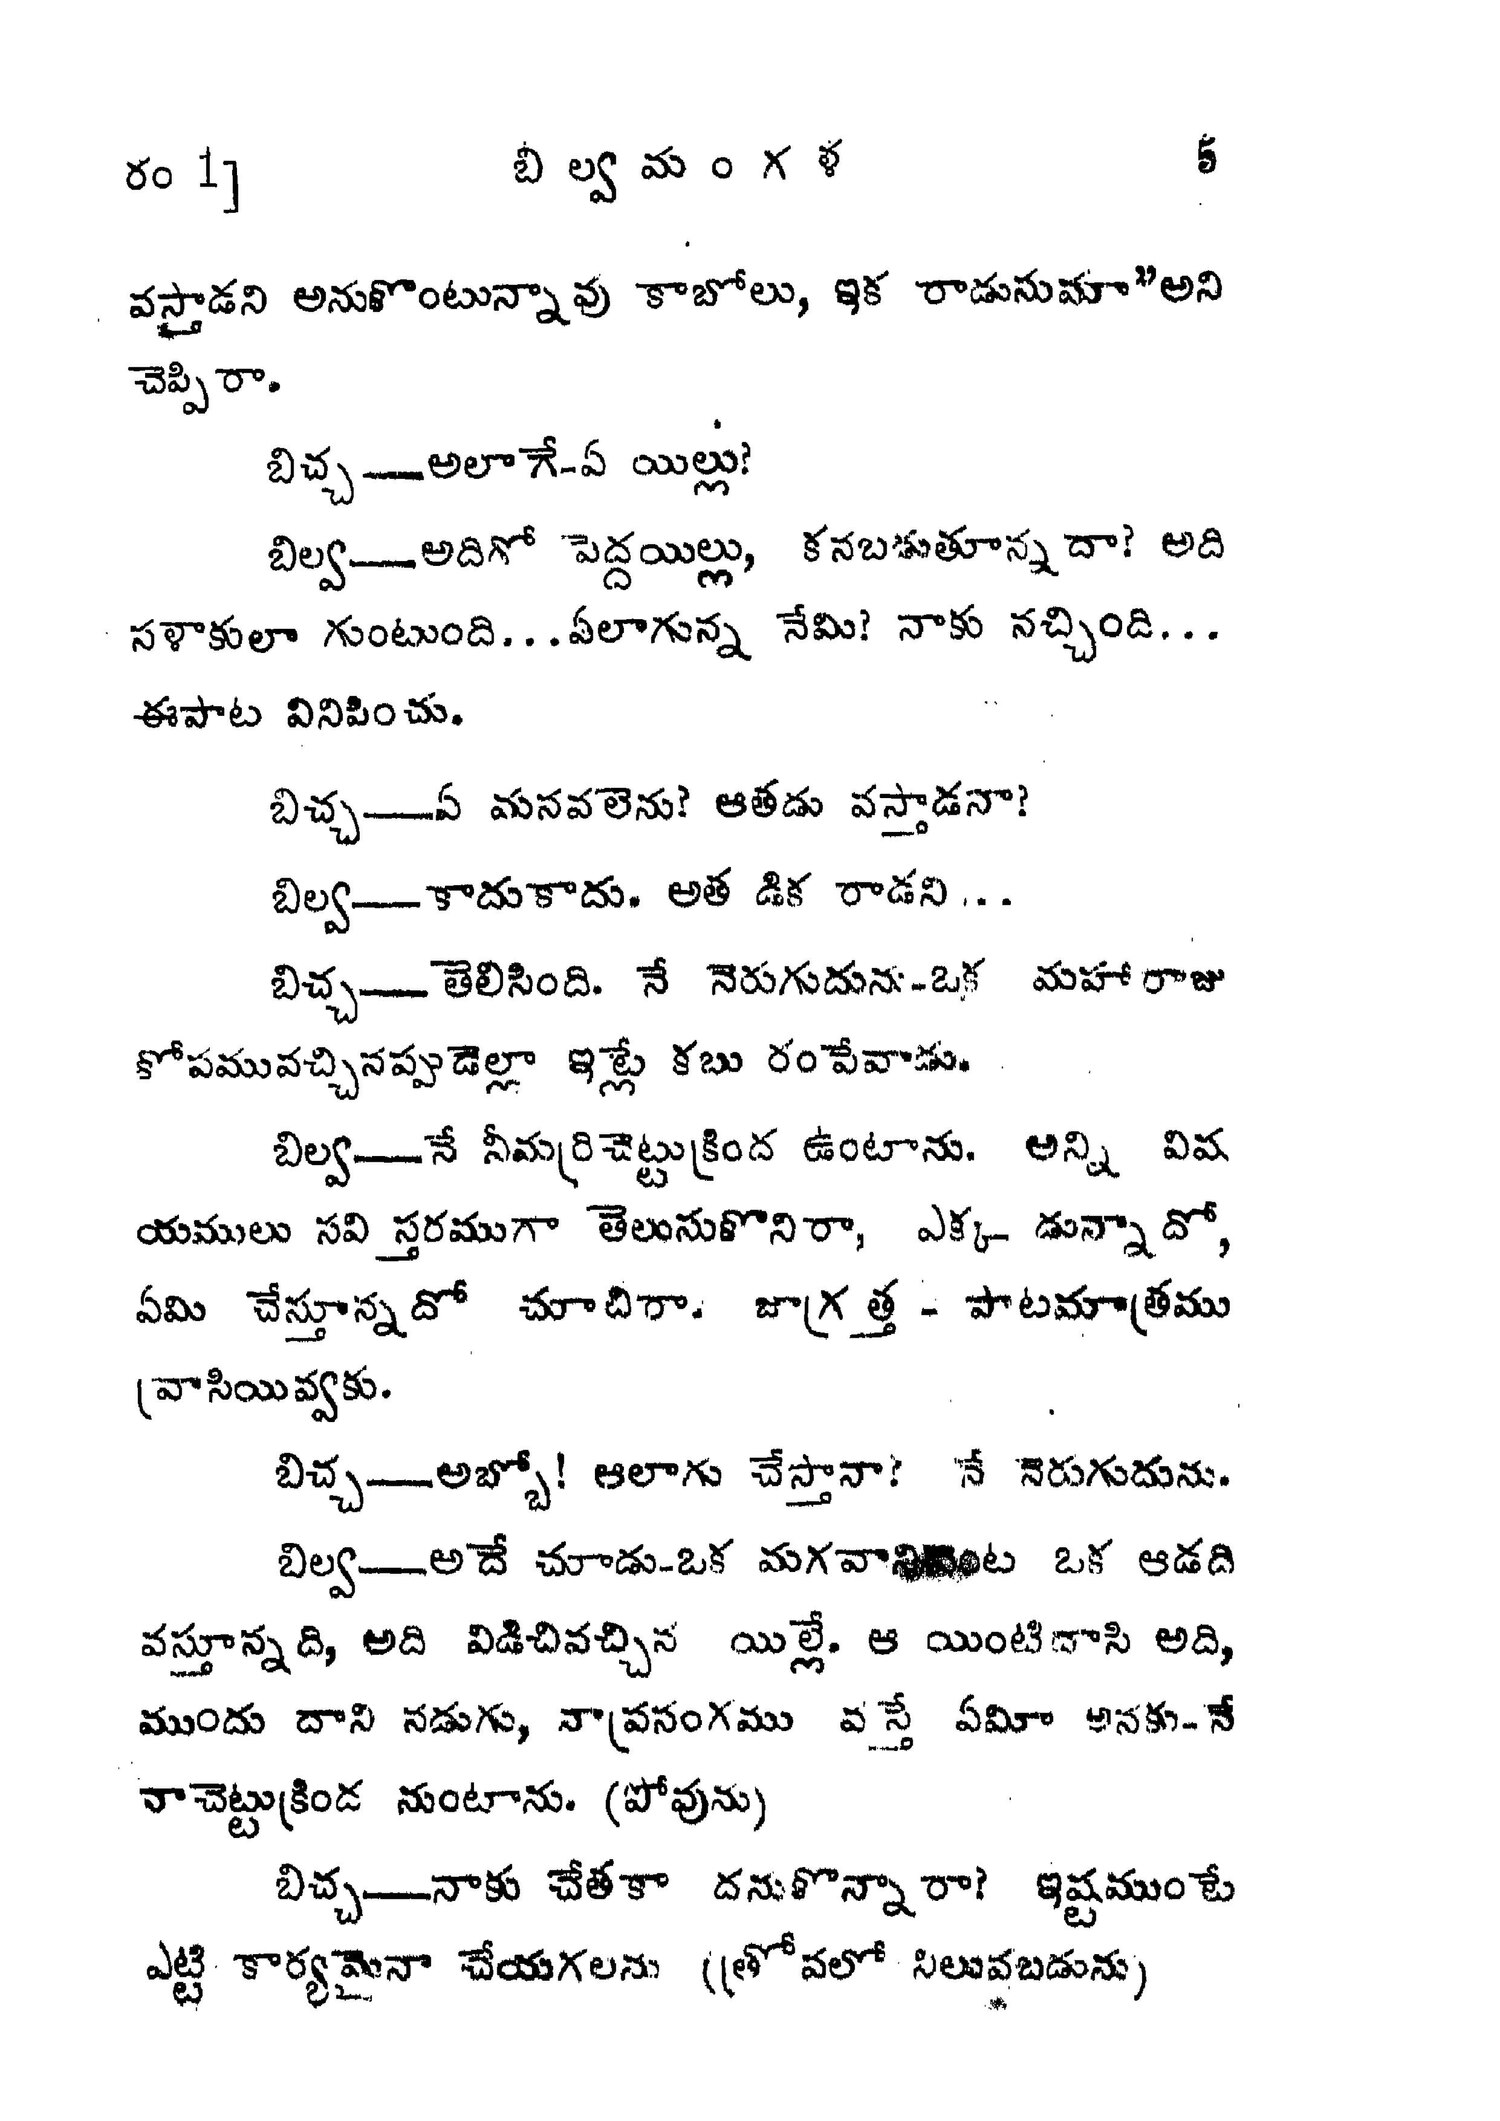వస్తాడని అనుకొంటున్నావు కాబోలు, ఇక రాడుసుమా" అని చెప్పిరా.

బిచ్చ - అలాగే - ఏ యిల్లు?

బిల్వ - అదిగో పెద్దయిల్లు, కనబడుతూన్నదా? అది సళాకులా గుంటుంది...ఏలాగున్న నేమి? నాకు నచ్చింది... ఈపాట వినిపించు.

బిచ్చ - ఏ మనవలెను? అతడు వస్తాడనా?

బిల్వ - కాదుకాదు. అత డిక రాడని...

బిచ్చ - తెలిసింది. నే నెరుగుదును - ఒక మహారాజు కోపమువచ్చినప్పుడెల్లా ఇట్లే కబు రంపేవాడు.

బిల్వ - నే నీమర్రిచెట్టుక్రింద ఉంటాను. అన్ని విషయములు సవిస్తరముగా తెలుసుకొనిరా, ఎక్క డున్నాదో, ఏమి చేస్తూన్నదో చూచిరా. జాగ్రత్త - పాటమాత్రము వ్రాసియివ్వకు.

బిచ్చ - అబ్బో! ఆలాగు చేస్తానా? నే నెరుగుదును.

బిల్వ - అదే చూడు - ఒక మగవానివెంట ఒక ఆడది వస్తూన్నది, అది విడిచివచ్చిన యిల్లే. ఆయింటిదాసి అది, ముందు దాని నడుగు, నాప్రసంగము వస్తే ఏమీ అనకు - నే నాచెట్టుక్రింద నుంటాను. (పోవును)

బిచ్చ - నాకు చేతకా దనుకొన్నారా? ఇష్టముంటే ఎట్టి కార్యమైనా చేయగలను (త్రోవలో నిలువబడును)